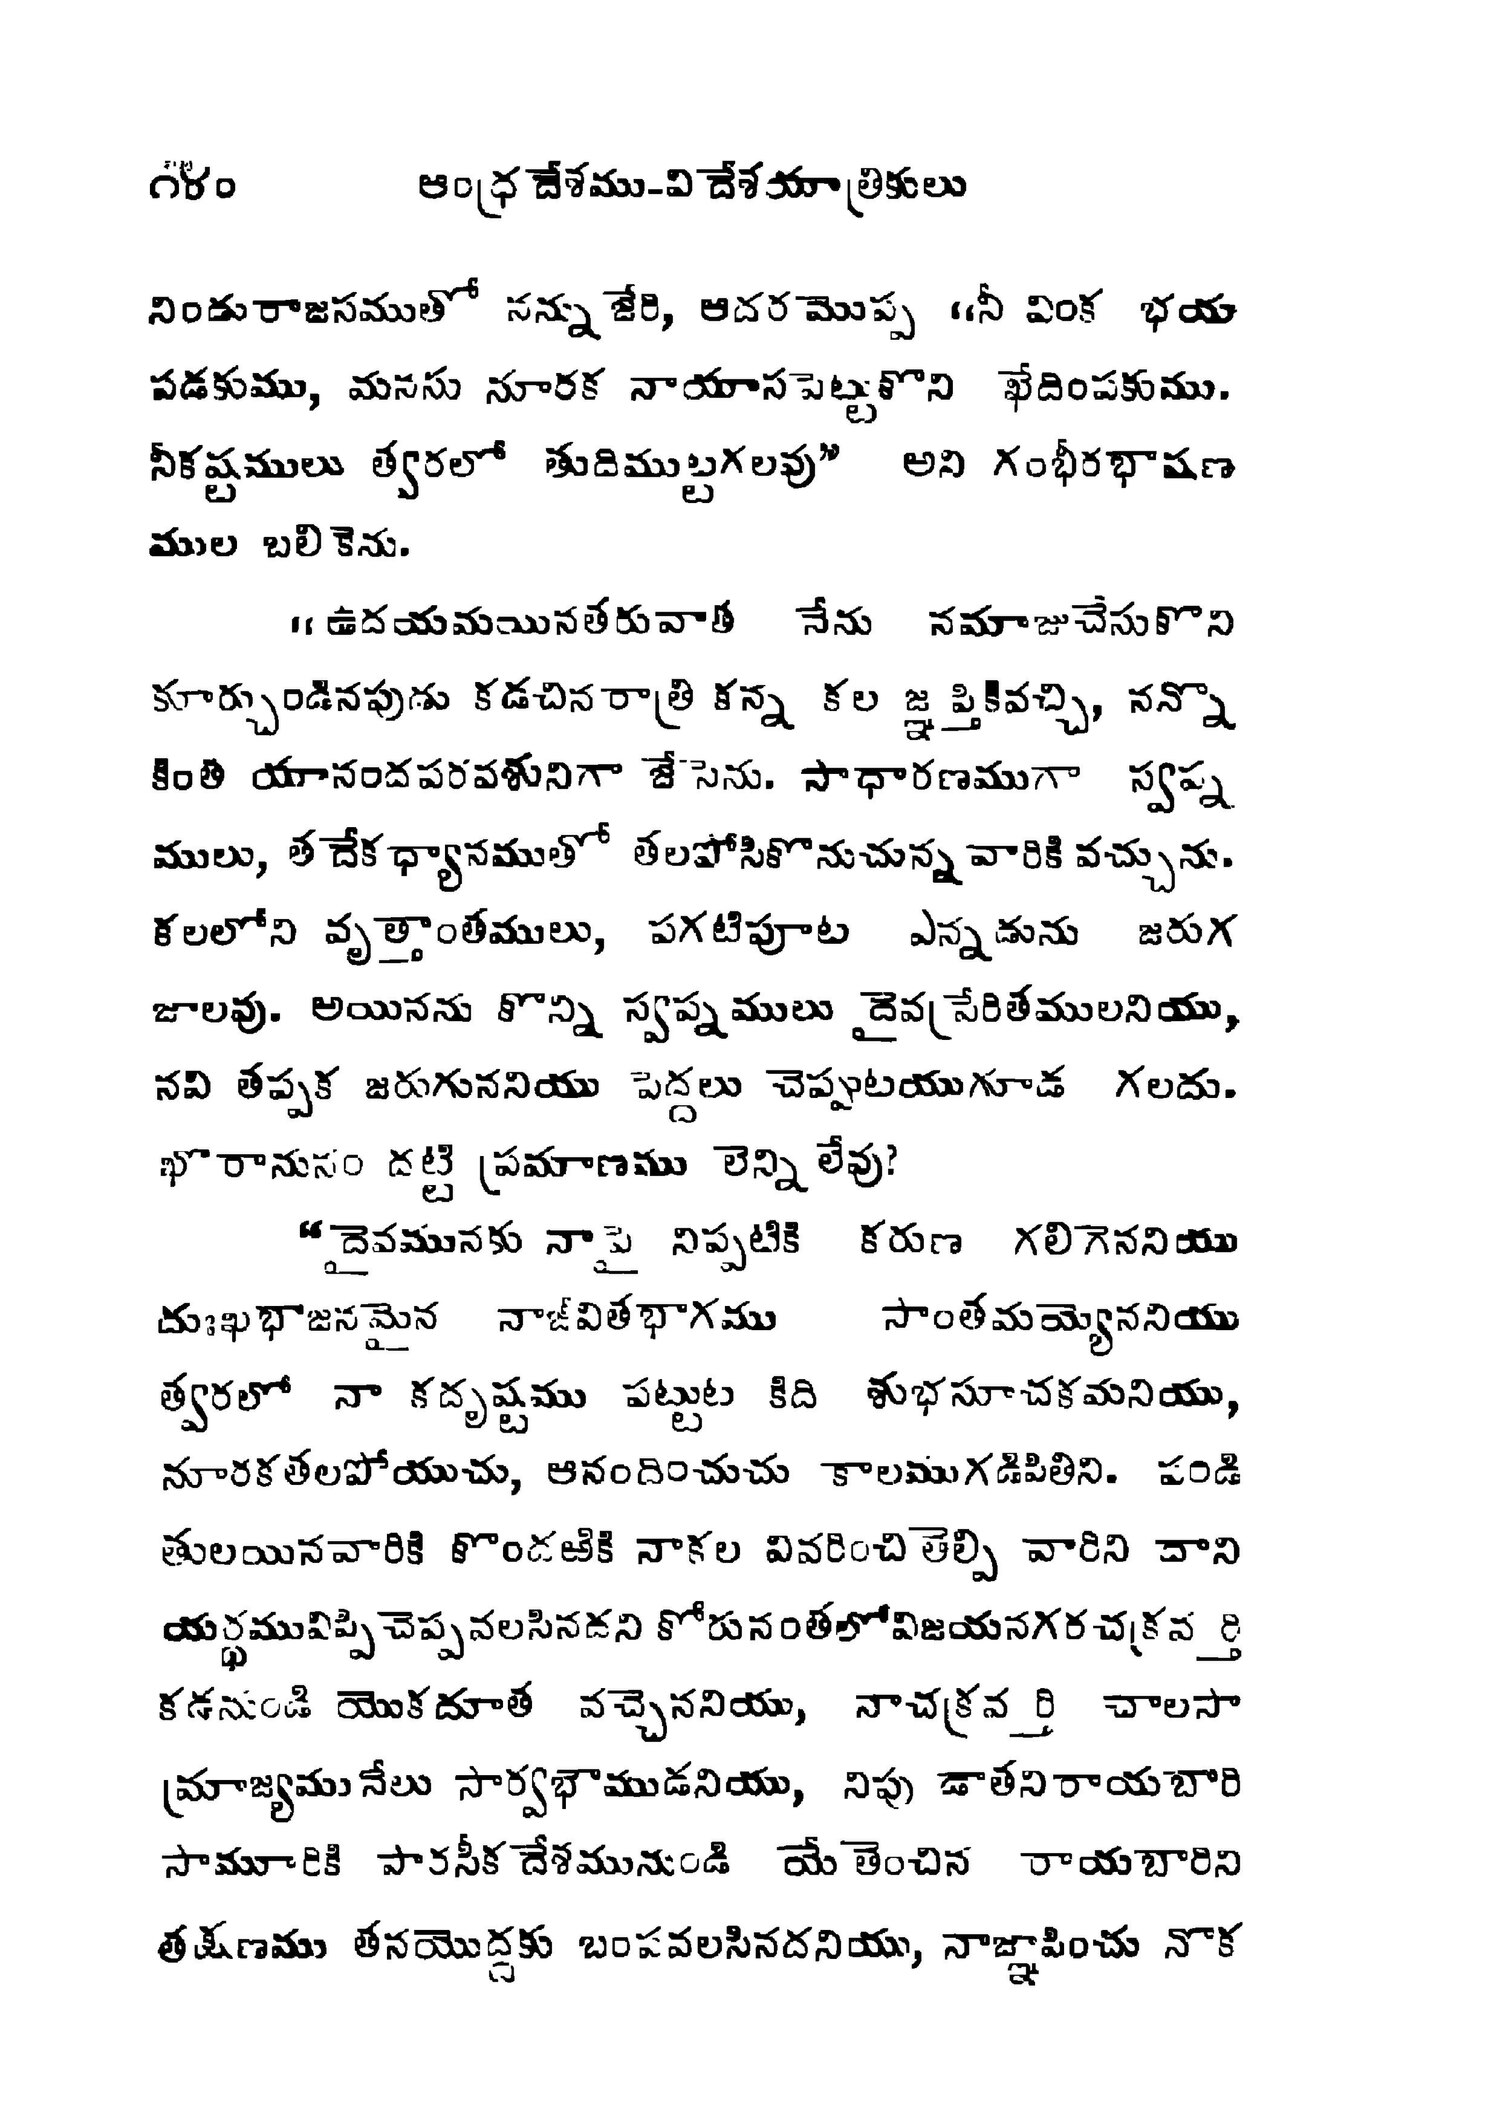నిండు రాజసముతో నన్నుజేరి, ఆదరమొప్ప "నీవింక భయపడకుము, మనసు నూరక నాయాస పెట్టుకొని ఖేదింపకుము. నీకష్టములు త్వరలో తుదిముట్టగలవు" అని గంభీరభాషణముల బలికెను.

"ఉదయమయిన తరువాత నేను నమాజుచేసు కొని కూర్చుండి నపుడు కడచిన రాత్రి కన్న కల జ్ఞప్తికివచ్చి, నన్నొకింత యానంద పరవశునిగా జేసెను.సాధారణముగా స్వప్నములు, తదేక ధ్యానముతో తలపోసి కొనుచున్న వారికి వచ్చును. కలలోని వృత్తాంతములు, పగటిపూట ఎన్నడును జరుగ జాలవు. అయినను కొన్ని స్వప్నములు దైవప్రేరితములనియు, నవి తప్పక జరుగు ననియు పెద్దలు చెప్పుటయు గూడ గలదు. ఖొరానునం దట్టి ప్రమాణము లెన్ని లేవు?

"దైవమునకు నాపై నిప్పటికి కరుణ గలిగెననియు దు:ఖభాజనమైన నాజీవితభాగము సాంతమయ్యెననియు త్వరలో నా కదృష్టము పట్టుట కిది శుభసూచక మనియు, నూరక తలపోయుచు, ఆనందించుచు కాలము గడిపితిని. పండితులయిన వారికి కొందఱికి నాకల వివరించి తెల్పి వారిని దాని యర్థమువిప్పి చెప్పవలసినదని కోరునంతలో విజయనగర చక్రవర్తి కడనుండి యొకదూత వచ్చెననియు, నాచక్రవర్తి చాలసామ్రాజ్యమునేలు సార్వభౌముడనియు, నిపు డాతని రాయబారి సామూరికి పారసీక దేశమునుండి యేతెంచిన రాయబారిని తక్షణము తనయొద్దకు బంపవలసినదనియు, నాజ్ఞాపించు నొక